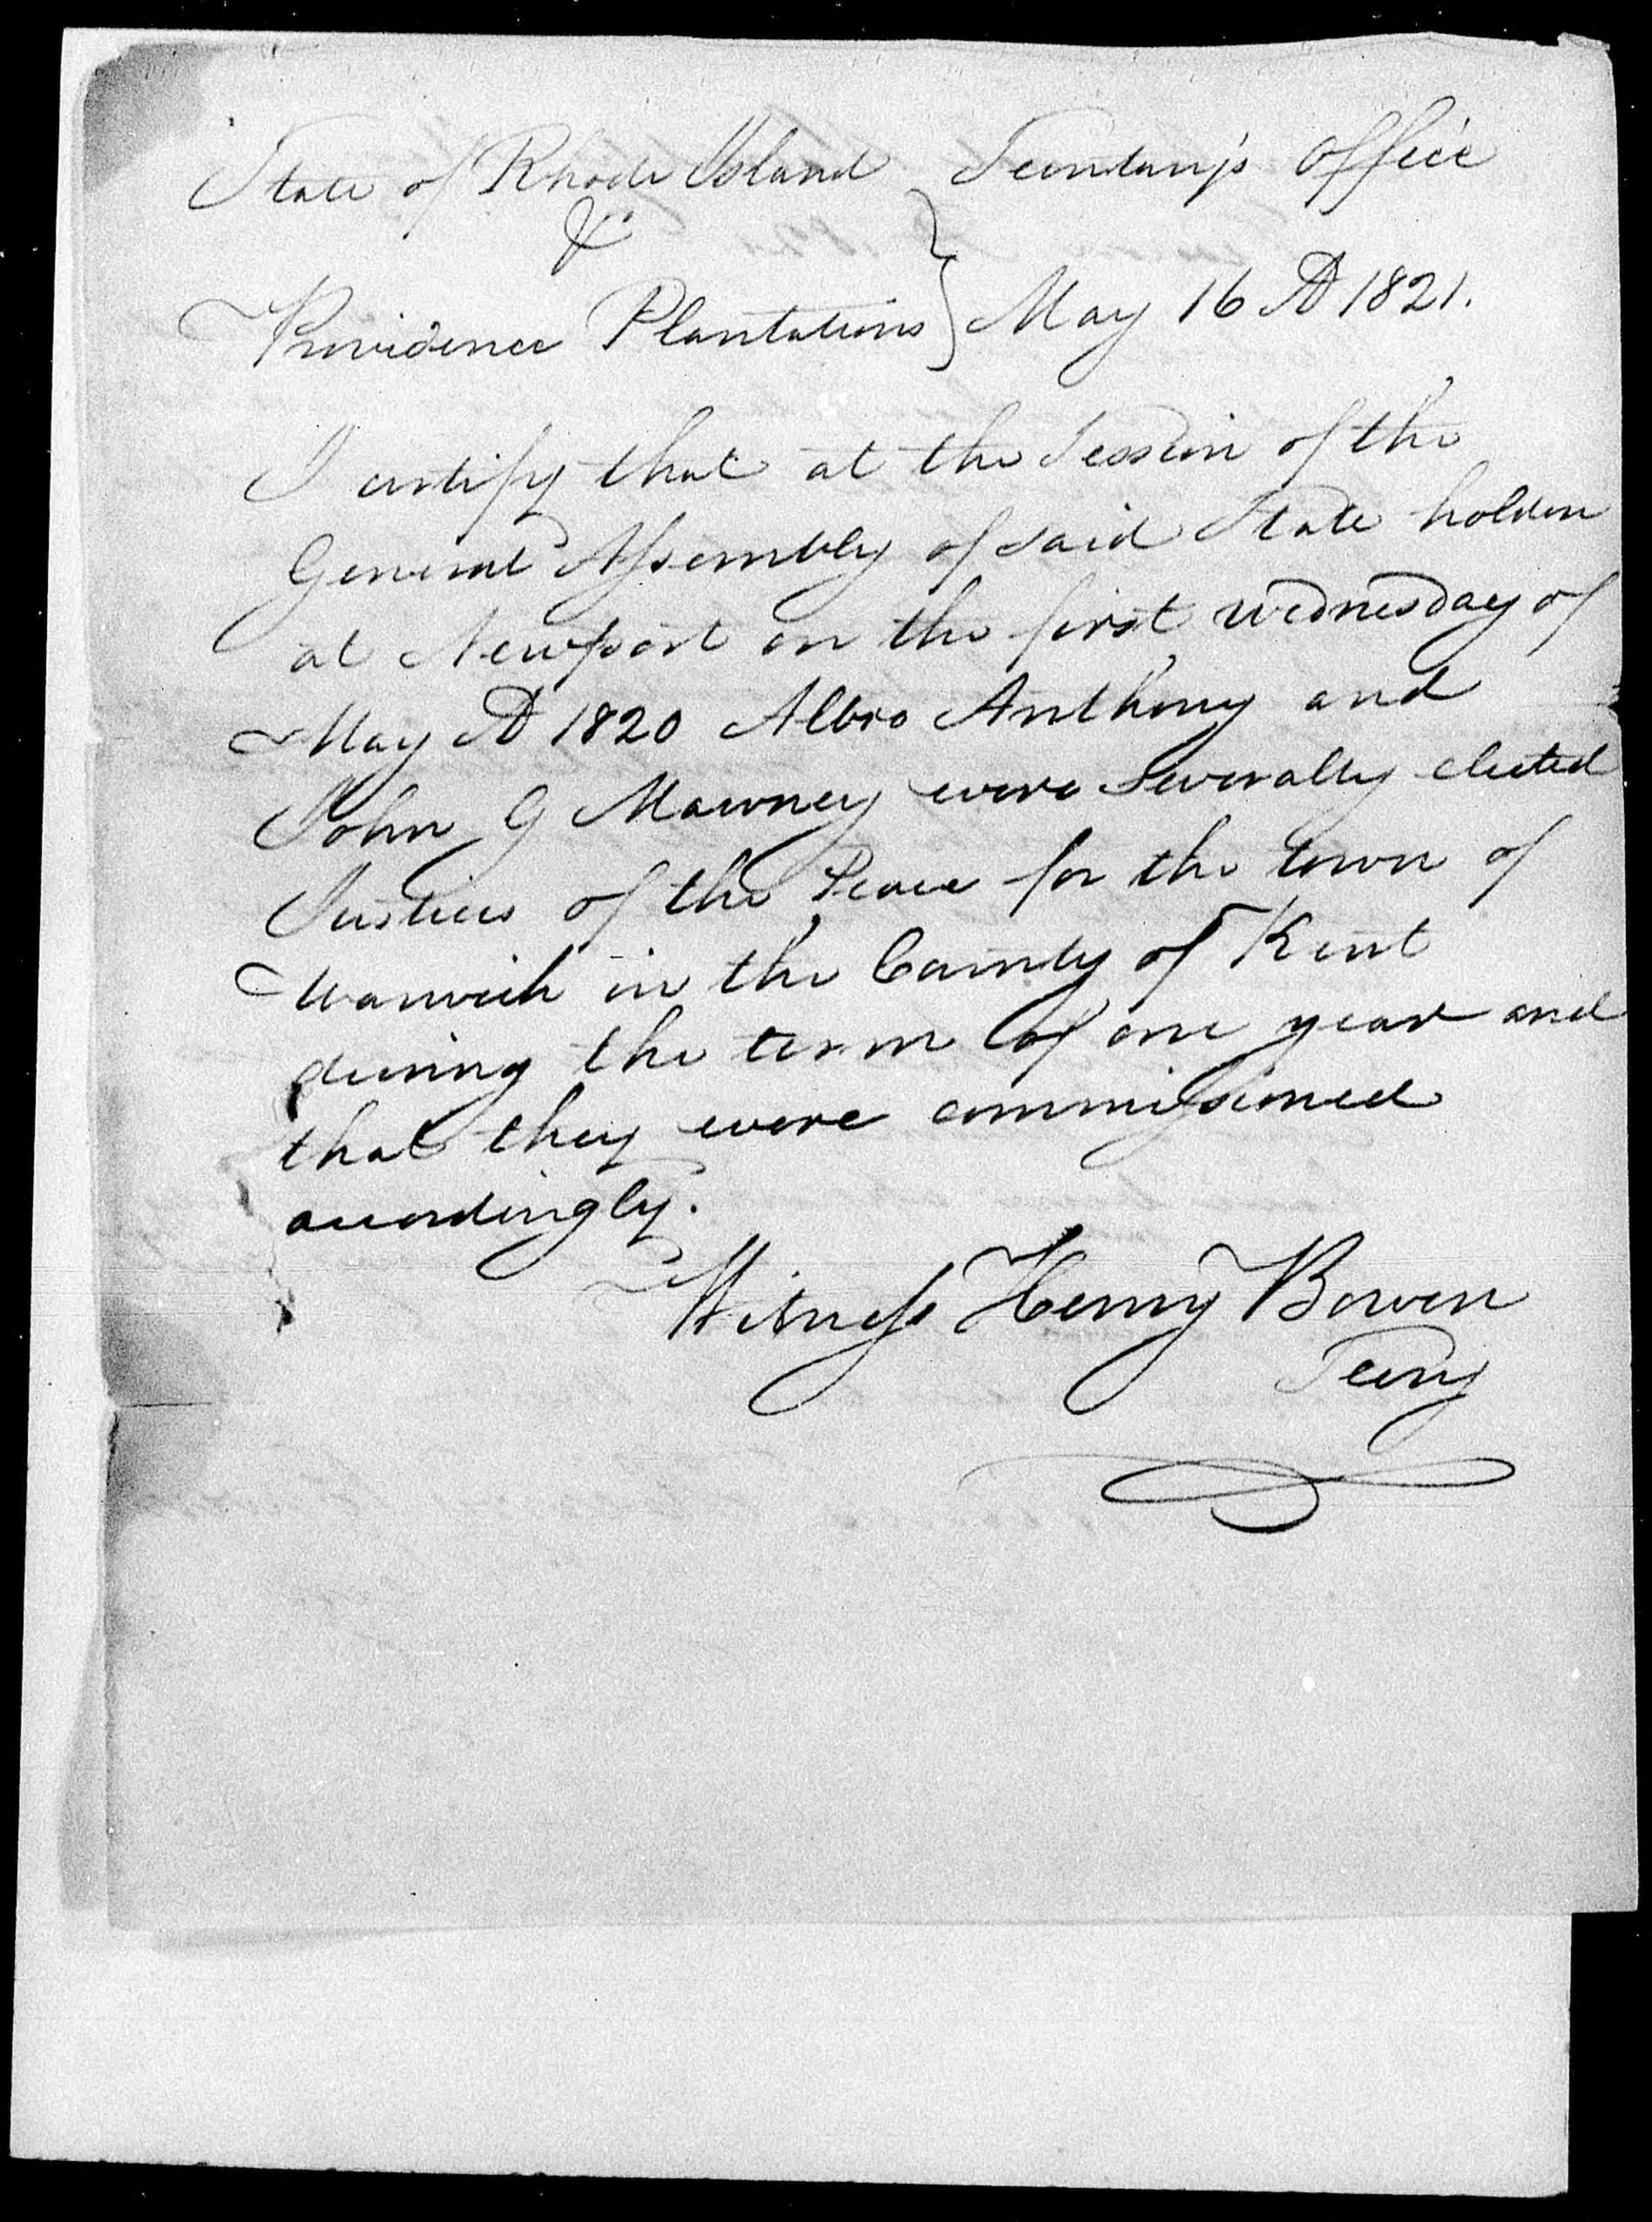State of Rhode Island & Providence Plantations

Secretary's Office
May 16, AD 1821

I certify that at the session of the general assembly of said state holden at newport on the first Wednesday of May AD 1820 Albro Anthony and John G. Mawney were severally elected justices of the peace for the town of Warwich in the county of Kent during the term of one year and that they were commissioned accordingly. 
Witness
Henry Bowen
Tery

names: Albro Anthony, Henry Bowen, John G Mawney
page: 12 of 20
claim: survivor's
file: S. 38755, Charles Greene, R.I.